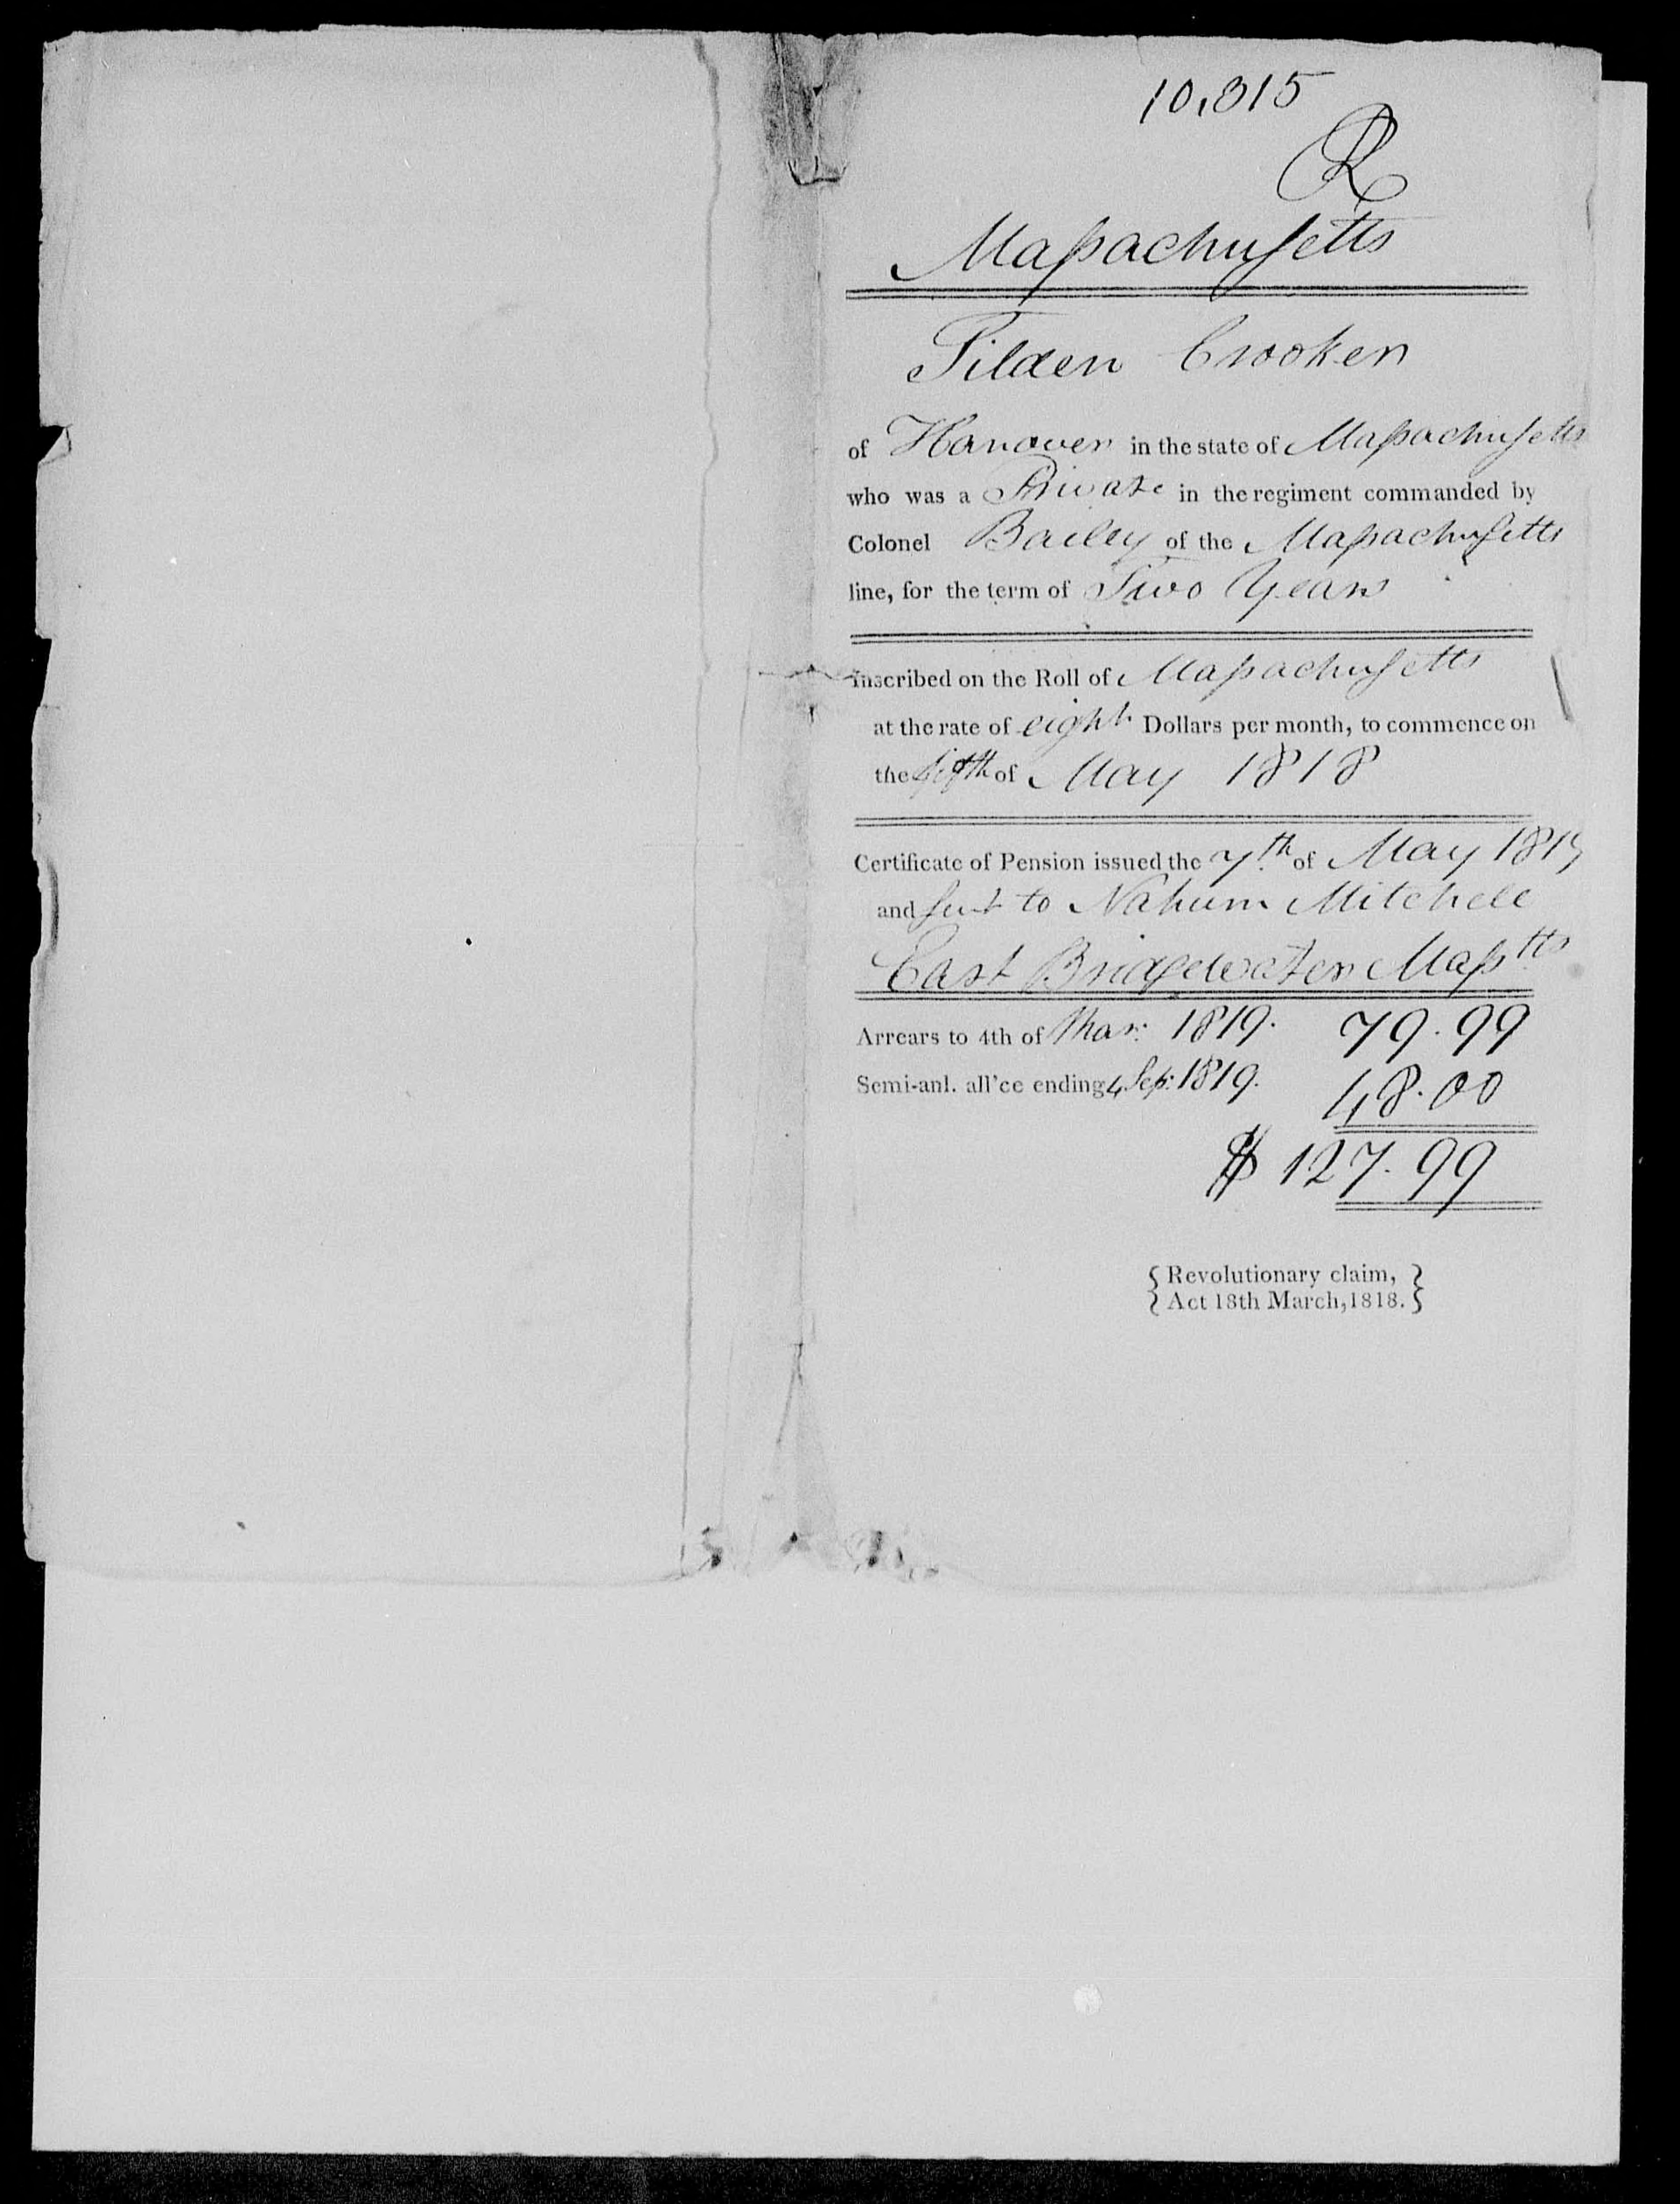10,315

R

Massachusetts

Tilden Crooker

of Hanover in the State of Massachusetts 
who was a Private in the regiment commanded by
Colonel Bailey of the Massachusetts line, 
for the term of two years.

Inscribed on the Roll of Massachusetts
at the rate of eight Dollars per month, to commence on
the 4th of May 1818.

Certificate of Pension issued the 7th day of May 1818 and sent to Nahum Mitchell
East Bridgewater, Massachusetts

Arrears to 4th of Mar. 1819  79.99
Semi-anl. all'ce ending 4 Sept. 1819  48.00

$127.99

{Revolutionary claim,}
{Act 18th March, 1818}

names: Tilden Crooker, Bailey, Nahum Mitchell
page: 2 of 33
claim: widow's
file: W. 22862, Tilden Crooker, Mass Navy